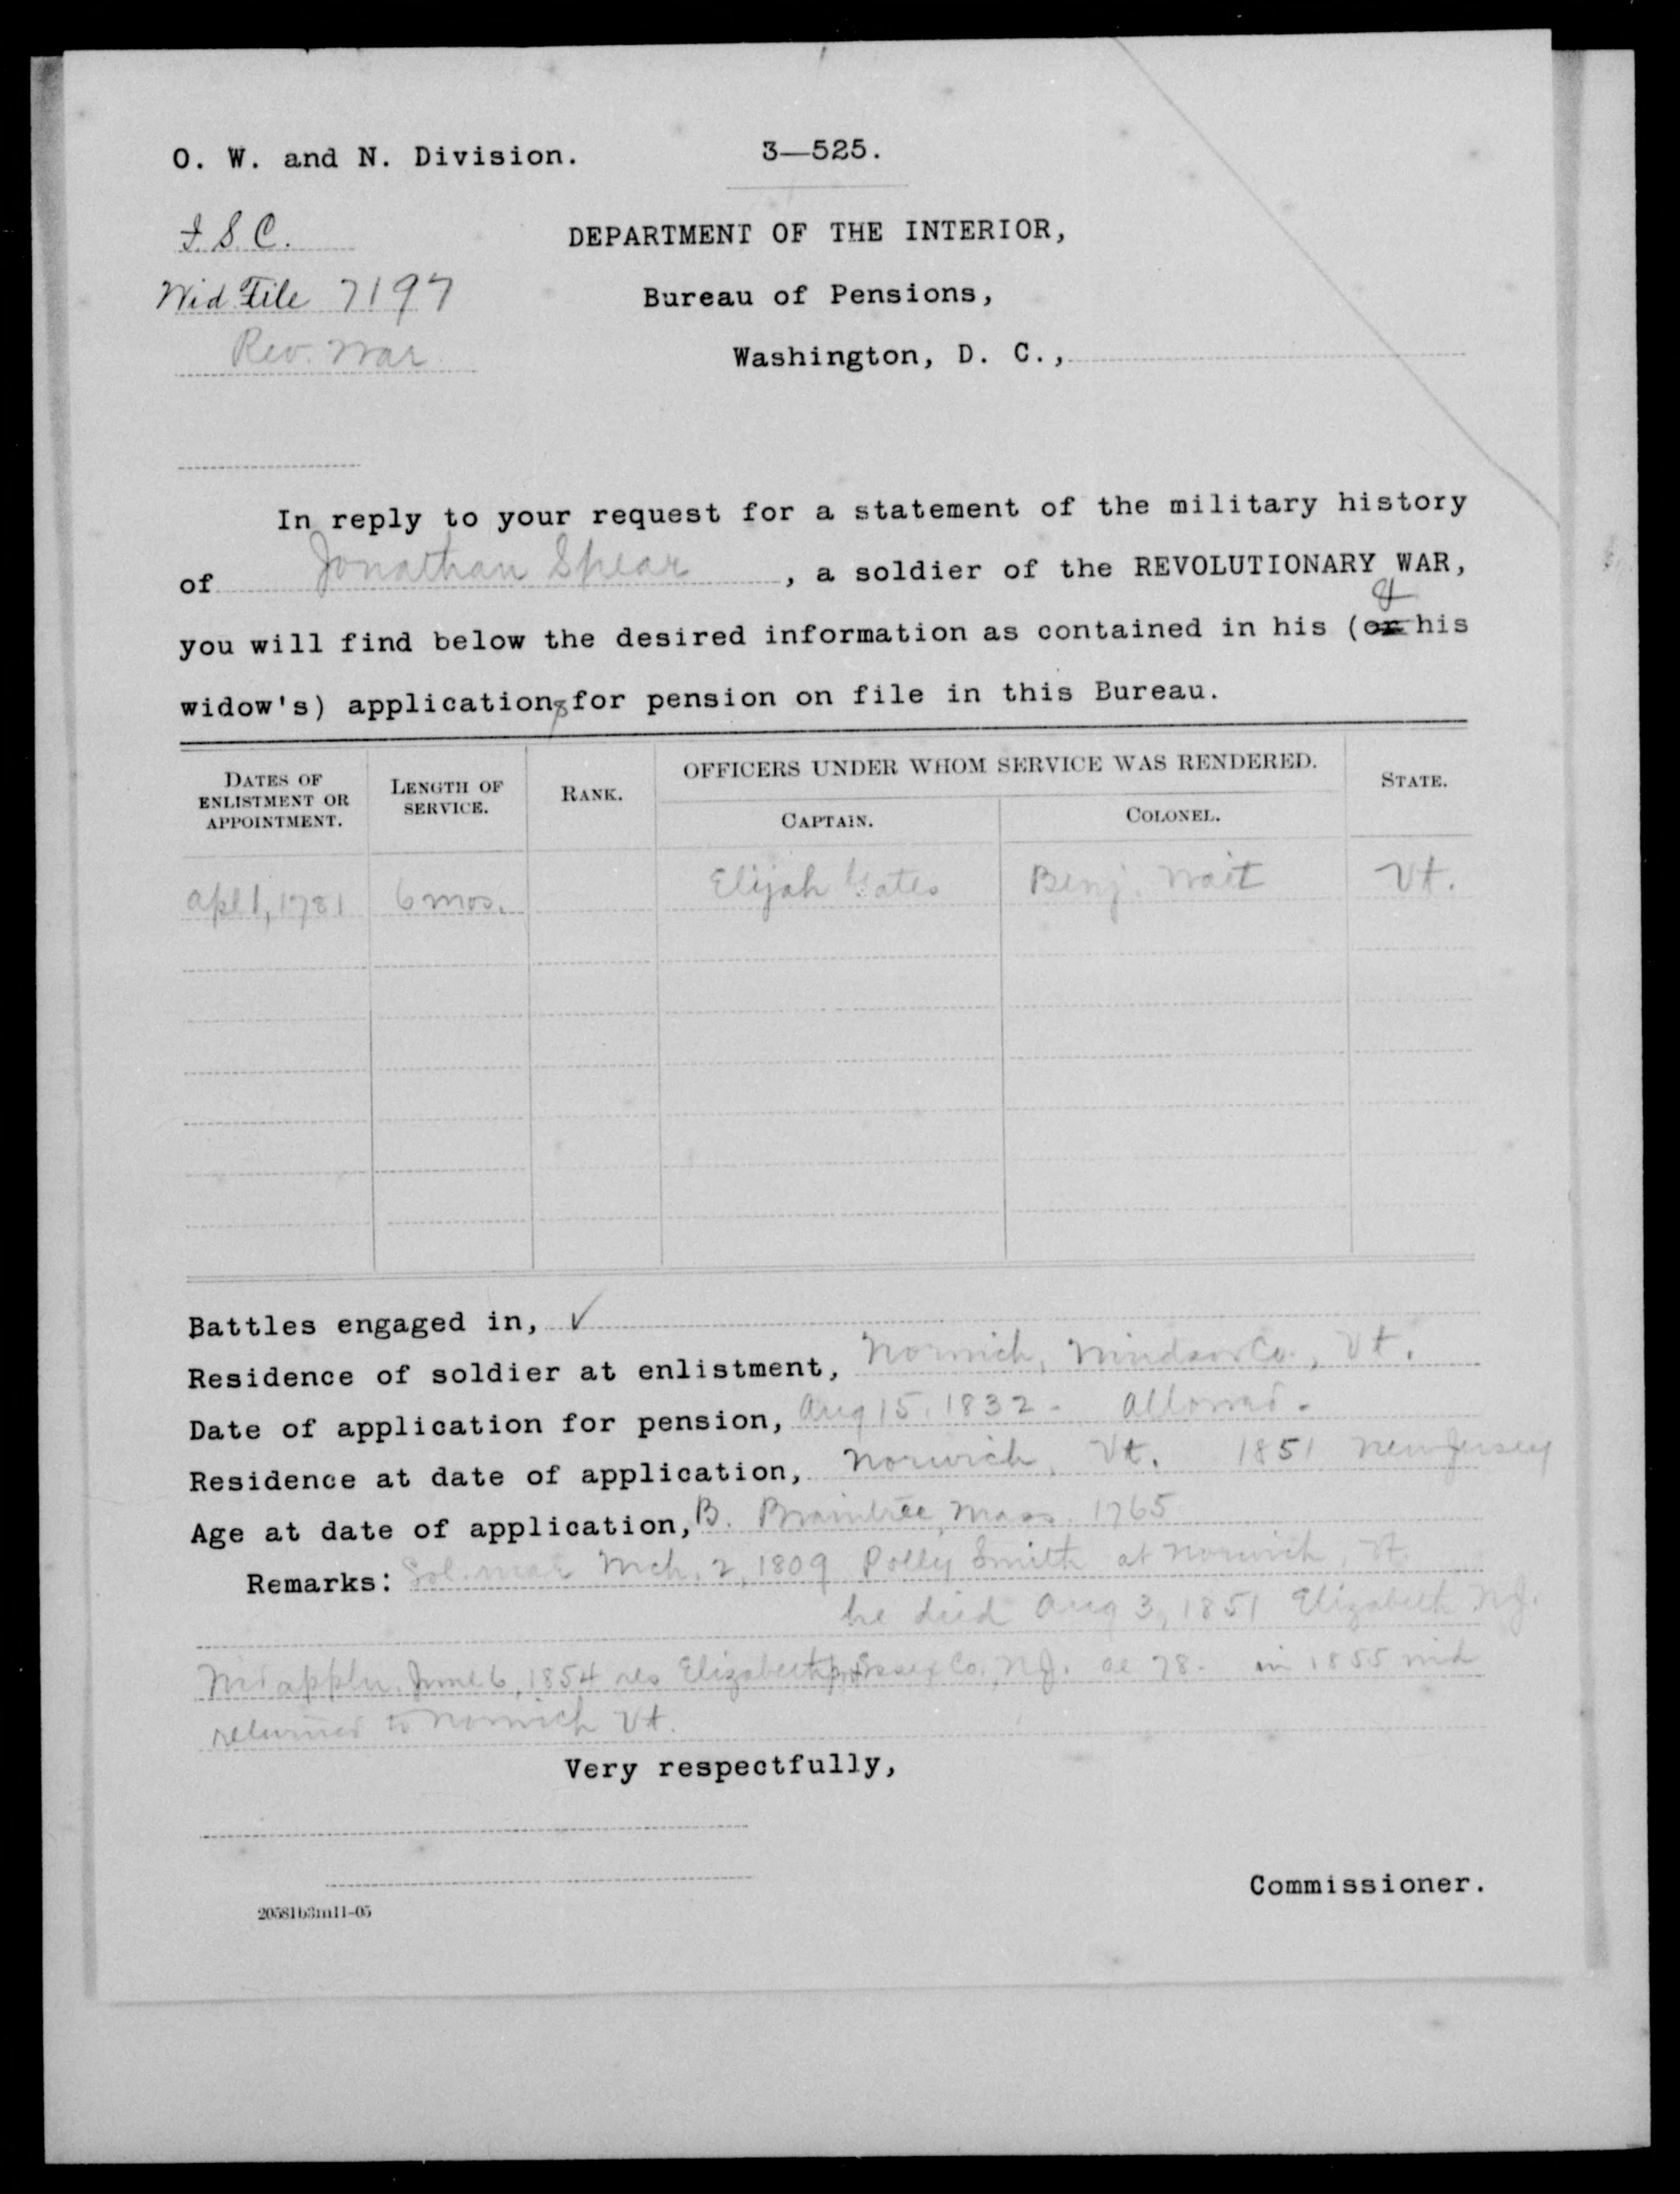3-525.
O. W. and N. Division.
DEPARTMENT OF THE INTERIOR,
Bureau of Pensions, 
Washington, D. C., [blank]
F..C.
Wid File 7197
Rev. War

In reply to your request for a statement of the military history of Jonathan Spear, a soldier of the REVOLUTIONARY WAR, you will find below the desired information as contained in his ('or' crossed out] & his widow's) applications for pension on file in this Bureau.
[column headings: DATES OF ENLISTMENT OR APPOINTMENT.|LENGTH OF SERVICE.|RANK.|OFFICERS UNDER WHOM SERVICE WAS RENDERED.(CAPTAIN.|COLONEL.)|STATE.|]
Apl 1, 1781|6 mos.|[blank]|(Elijah Gates|Benj. Wait)|Vt.|
[end of columns]
Battles engaged in, ✓
Residence of soldier at enlistment, Norwich, Windsor Co., Vt.
Date of application for pension, Aug 15, 1832 - allowed.
Residence at date of application, Norwich, Vt. 1851 New Jersey
Age at date of application, B. Braintree, Mass. 1765.
Remarks: Sol. mar Mch, 2, 1809 Polly Smith at Norwich, Vt. he died Aug 3, 1851 Elizabeth NJ. his appln. June 6, 1854 res Elizabethport Essex Co., NJ. al 78. in 1855 wid returned to Norwich Vt. 
Very respectfully, 
[blank] 
Commissioner.

20581b3m11-05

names: Polly Smith; Jonathan Spear; Benj Wait; Elijah Gates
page: 21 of 65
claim: widow's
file: W. 7197, for Jonathan Spear, Vermont